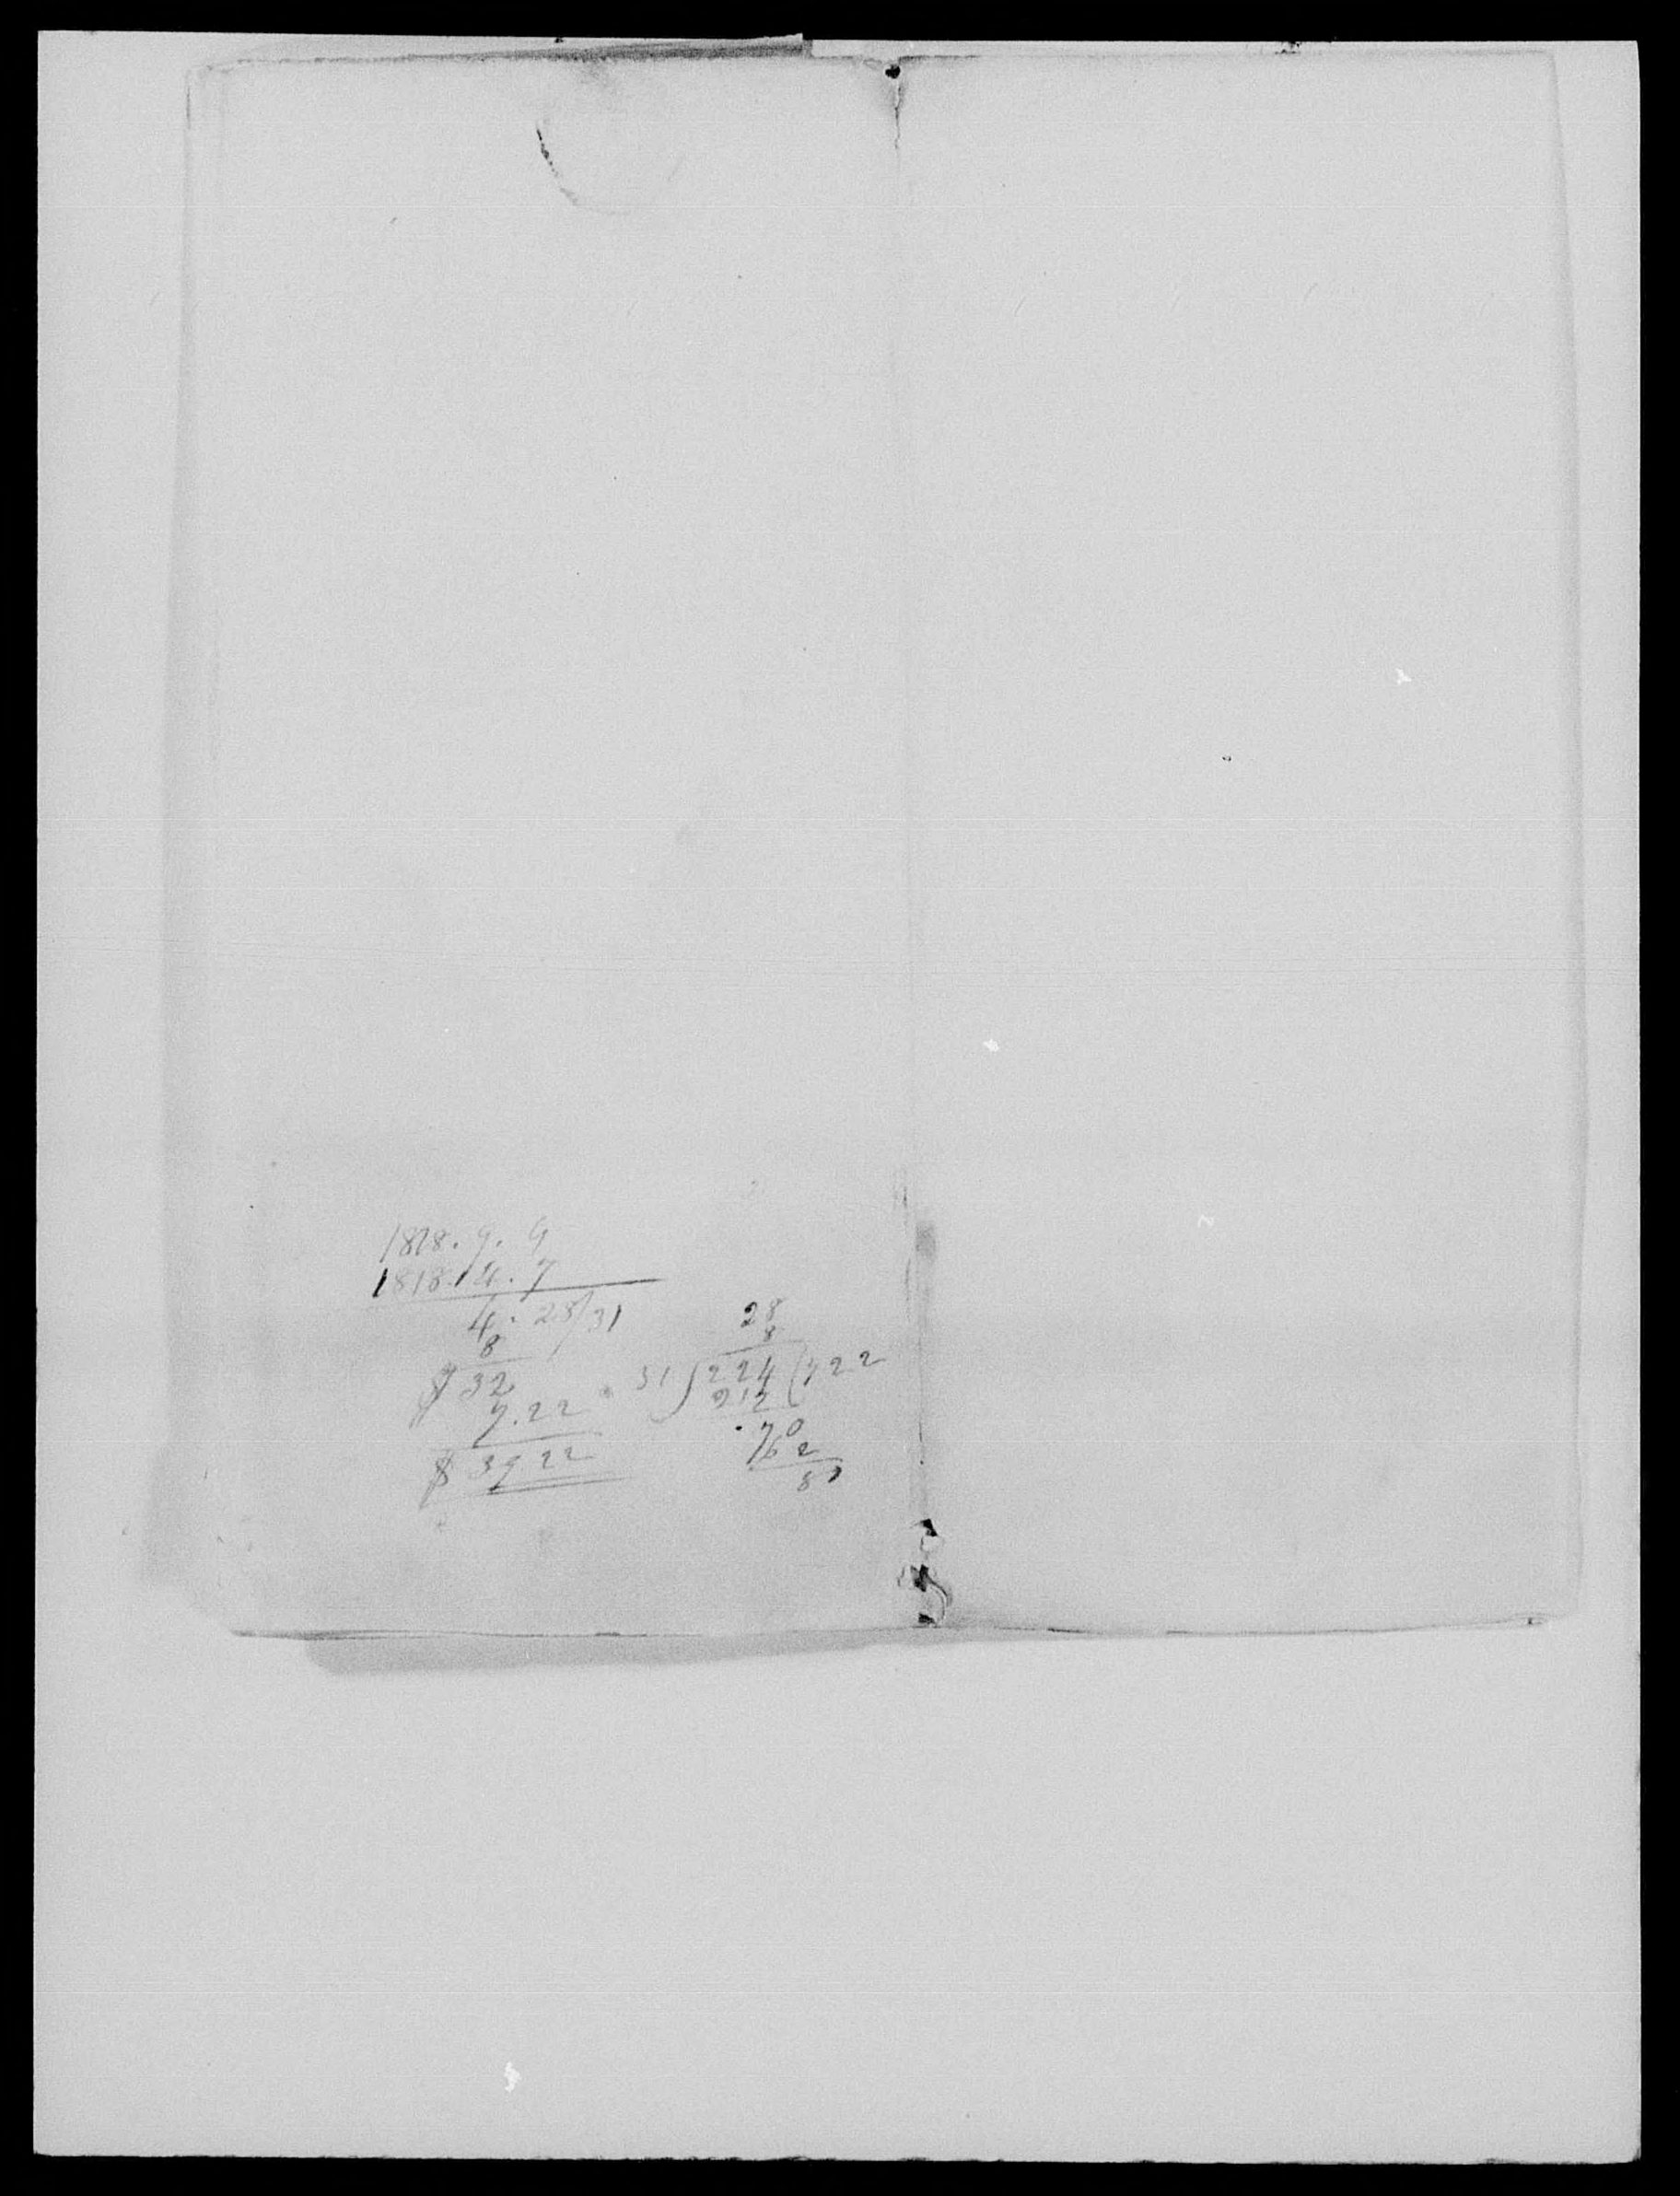[Math scribbled onto a page, calculating the final answer of $39.22]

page: 3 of 12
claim: survivor's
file: S. 35928, Zephaniah Ferrill, Cont. (Va)